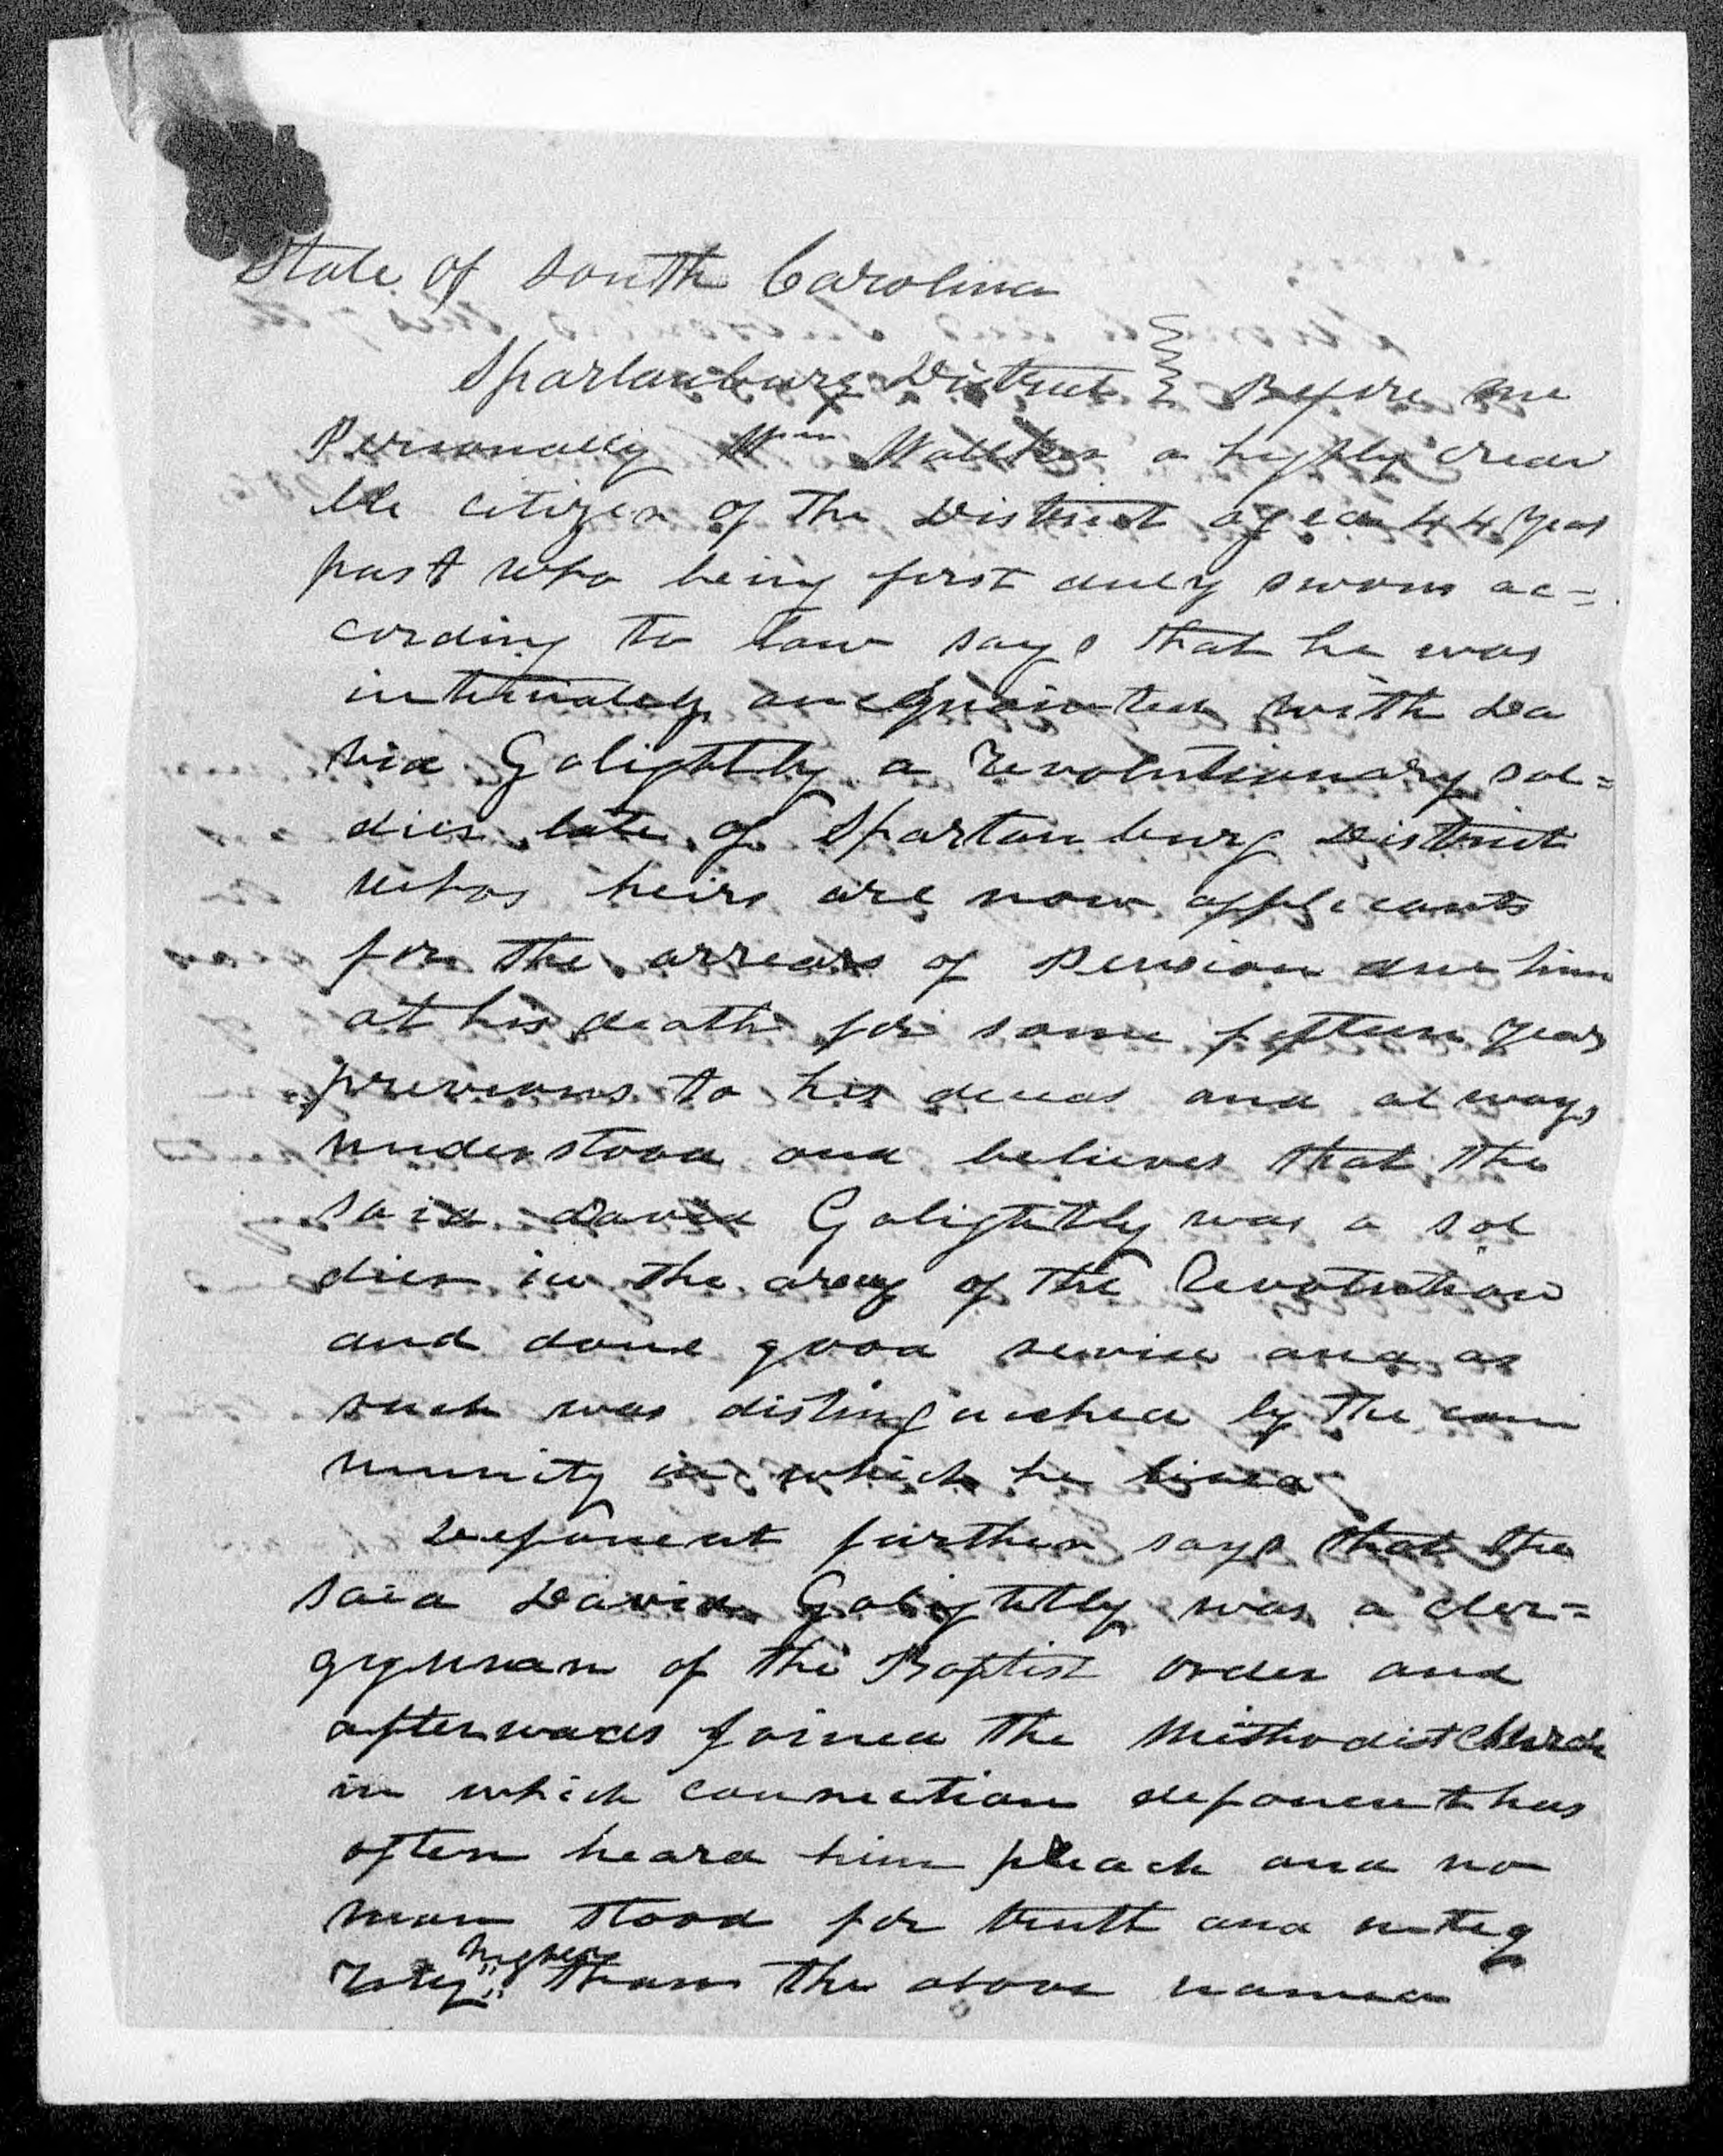State of South Carolina
Spartanburgh District

  Before me personally Wm Walker a highly credible citizen of the District aged 44 years -past who being first duly sworn according to the law says that he was intimately acquainted with David Golightly, a revolutionary solider late of Spartanburg District whose heirs are now applicants for the arrears of Pension due him at this death for some fifteen years previous to his death and always understood and believed that the said David Golightly was a solider in the War of the Revolution and done good service and as such was distinguished by the community in which he lived. 

   Deponent further says that said David Golightly was a clergyman of the Baptist order and afterwards joined the Methodist order in which connection deponent has often heard him preach and no man stood for truth and integrity more than the above named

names: David Golightly, David Golightly, Wm Wallker, David Golightly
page: 53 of 57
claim: survivor's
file: S. 18888, David Golightly, S.C.